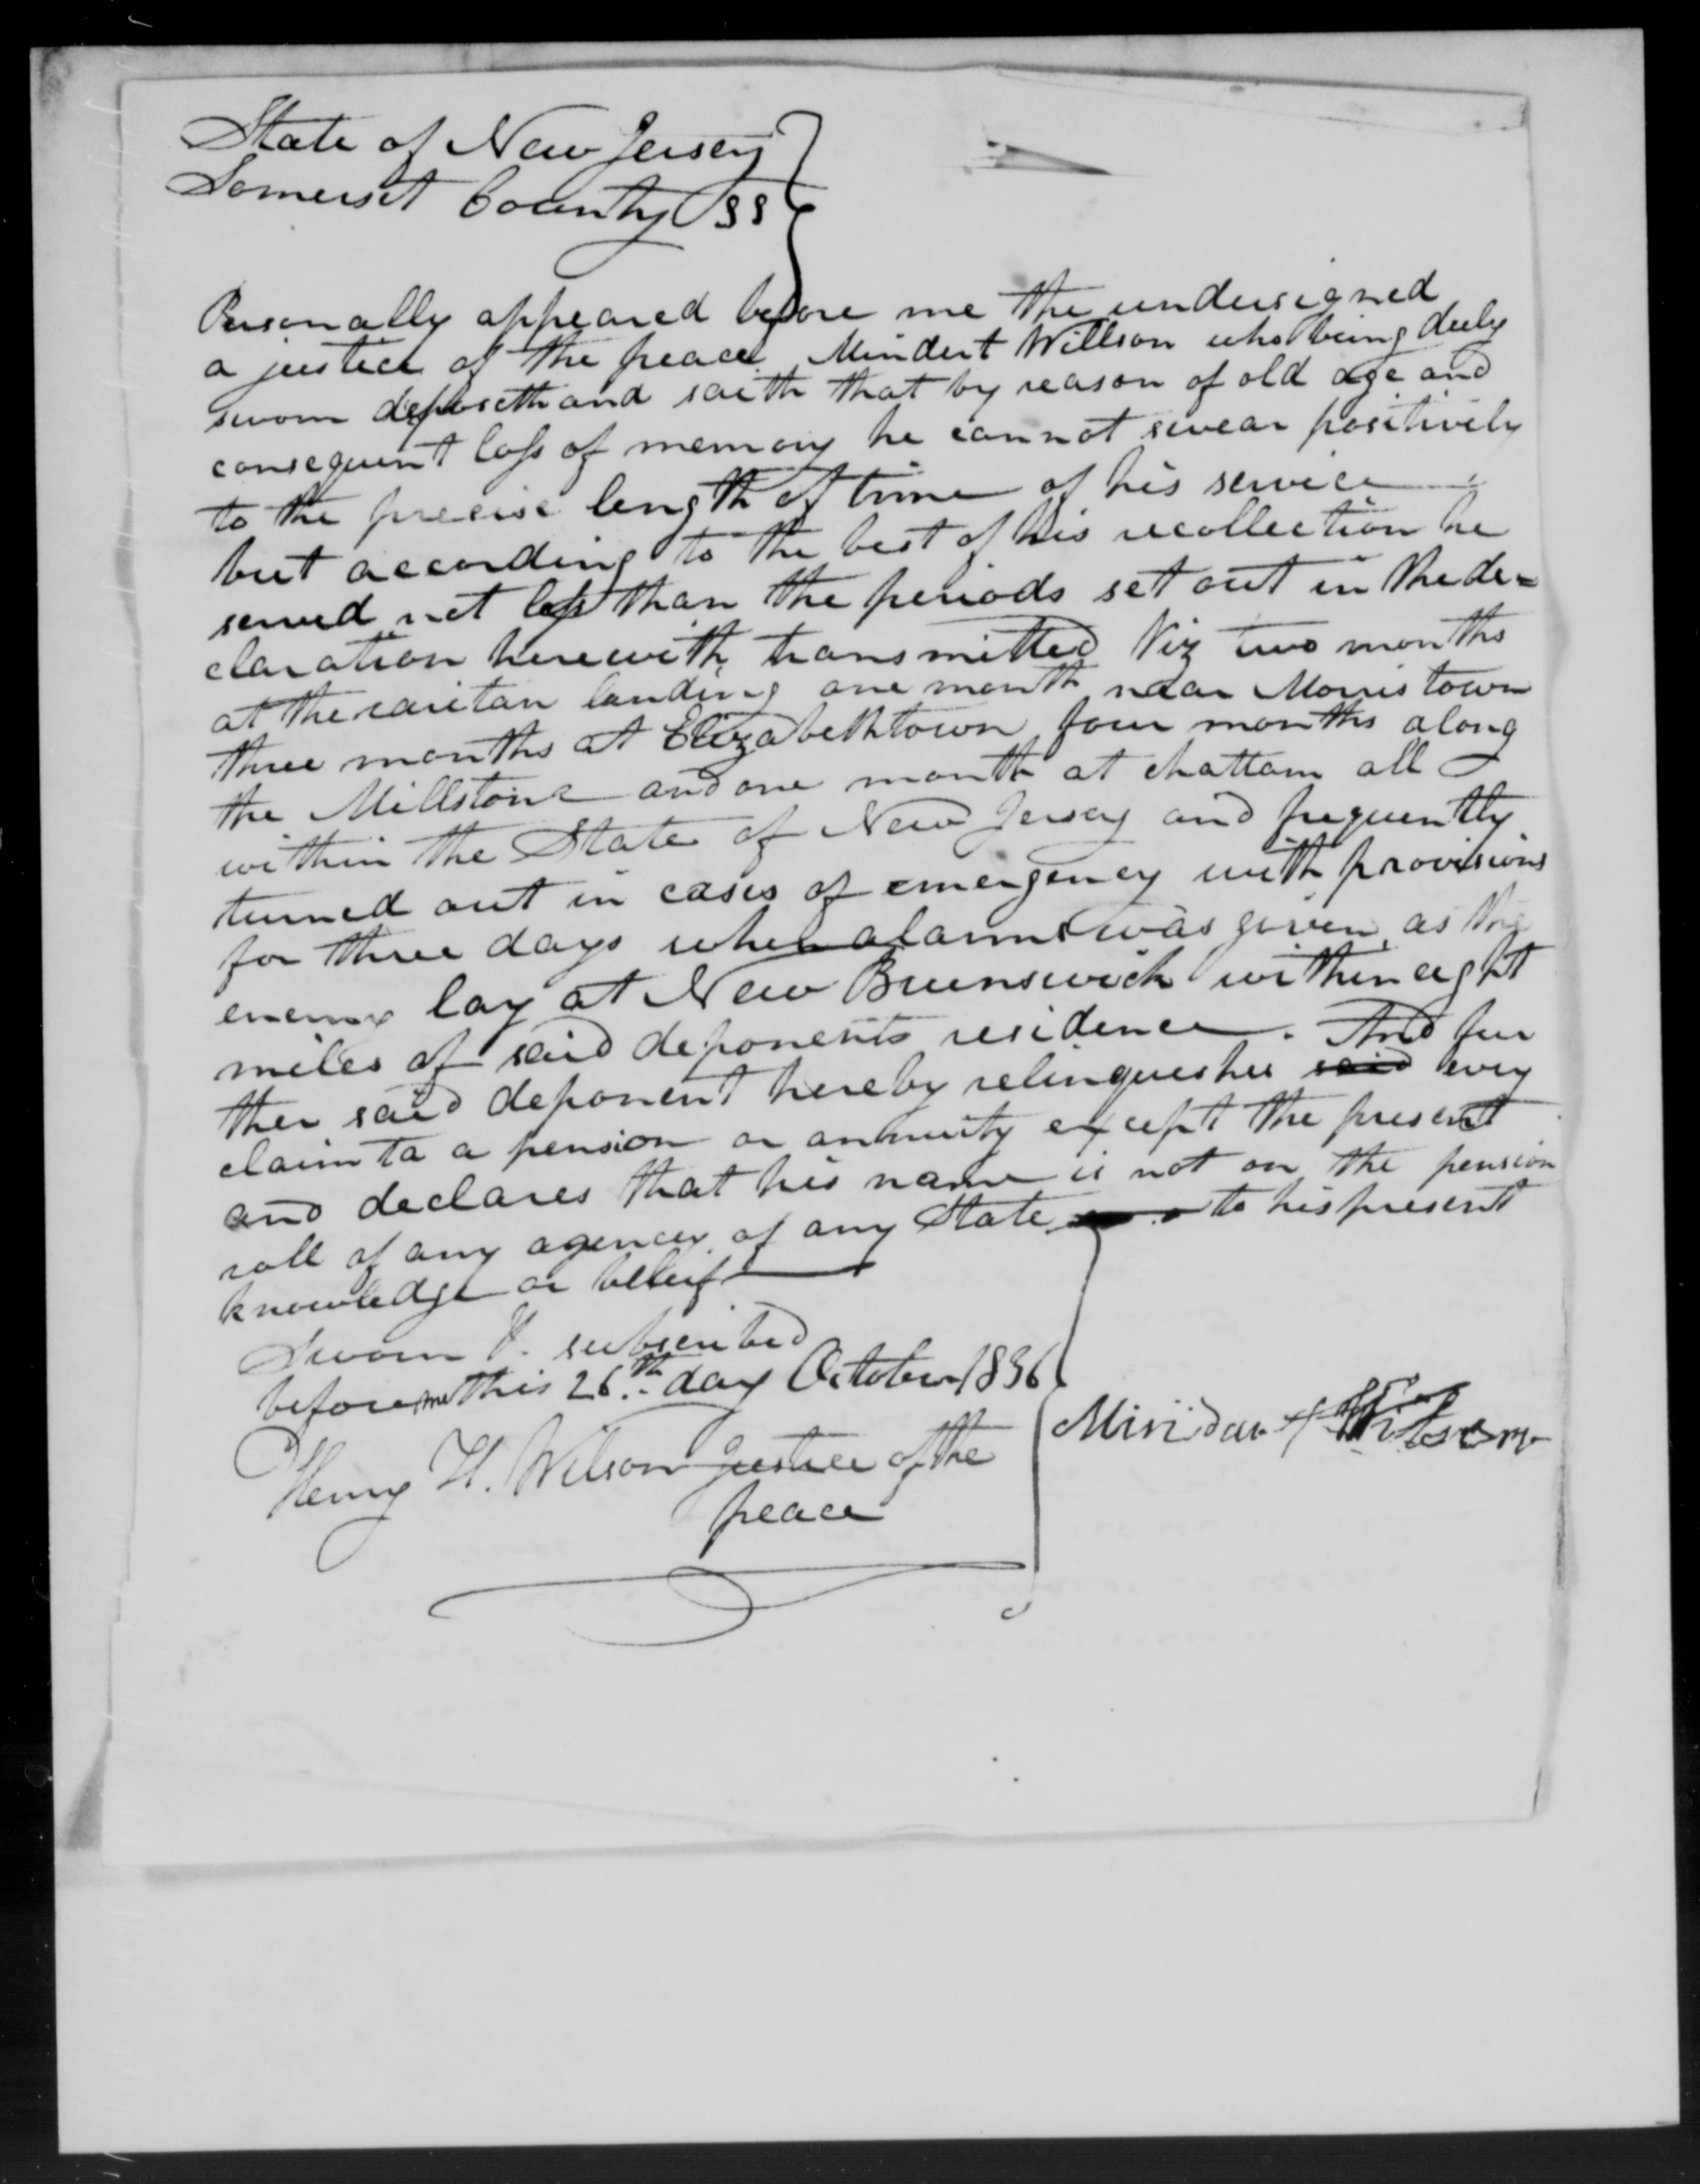State of New Jersey
Somerset County ss }

Personally appeared before me the undersigned, a justice of the peace Mindert Willson who being duly sworn deposeth and saith that by reason of old age and consequent loss of memory he cannot swear positively to the precise length of time of his service, but according to the best of his recollection he served not less than the periods set out in the declaration herewith transmitted Viz two months at the raritan landing one month near Morristown three months at Elizabethtown, four months along the Millstone and one month at chatham all within the State of New Jersey and frequently turned out in case of emergency with provisions for three days when alarm was given, as the enemy lay at New Brunswick within eight miles of said deponents residence. And further said deponent hereby relinquishes every claim to a pension or annuity except the present and declares that his name is not on the pension roll of any agency of any State to his present knowledge or belief.

[signed] Mindert Wilson

Sworn & subscribed before me this 26th day October 1836
Henry H. Wilson Justice of the peace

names: Henry H Wilson, Mindert Willson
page: 30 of 40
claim: survivor's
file: S. 3564, Mindart Wilson, New Jersey